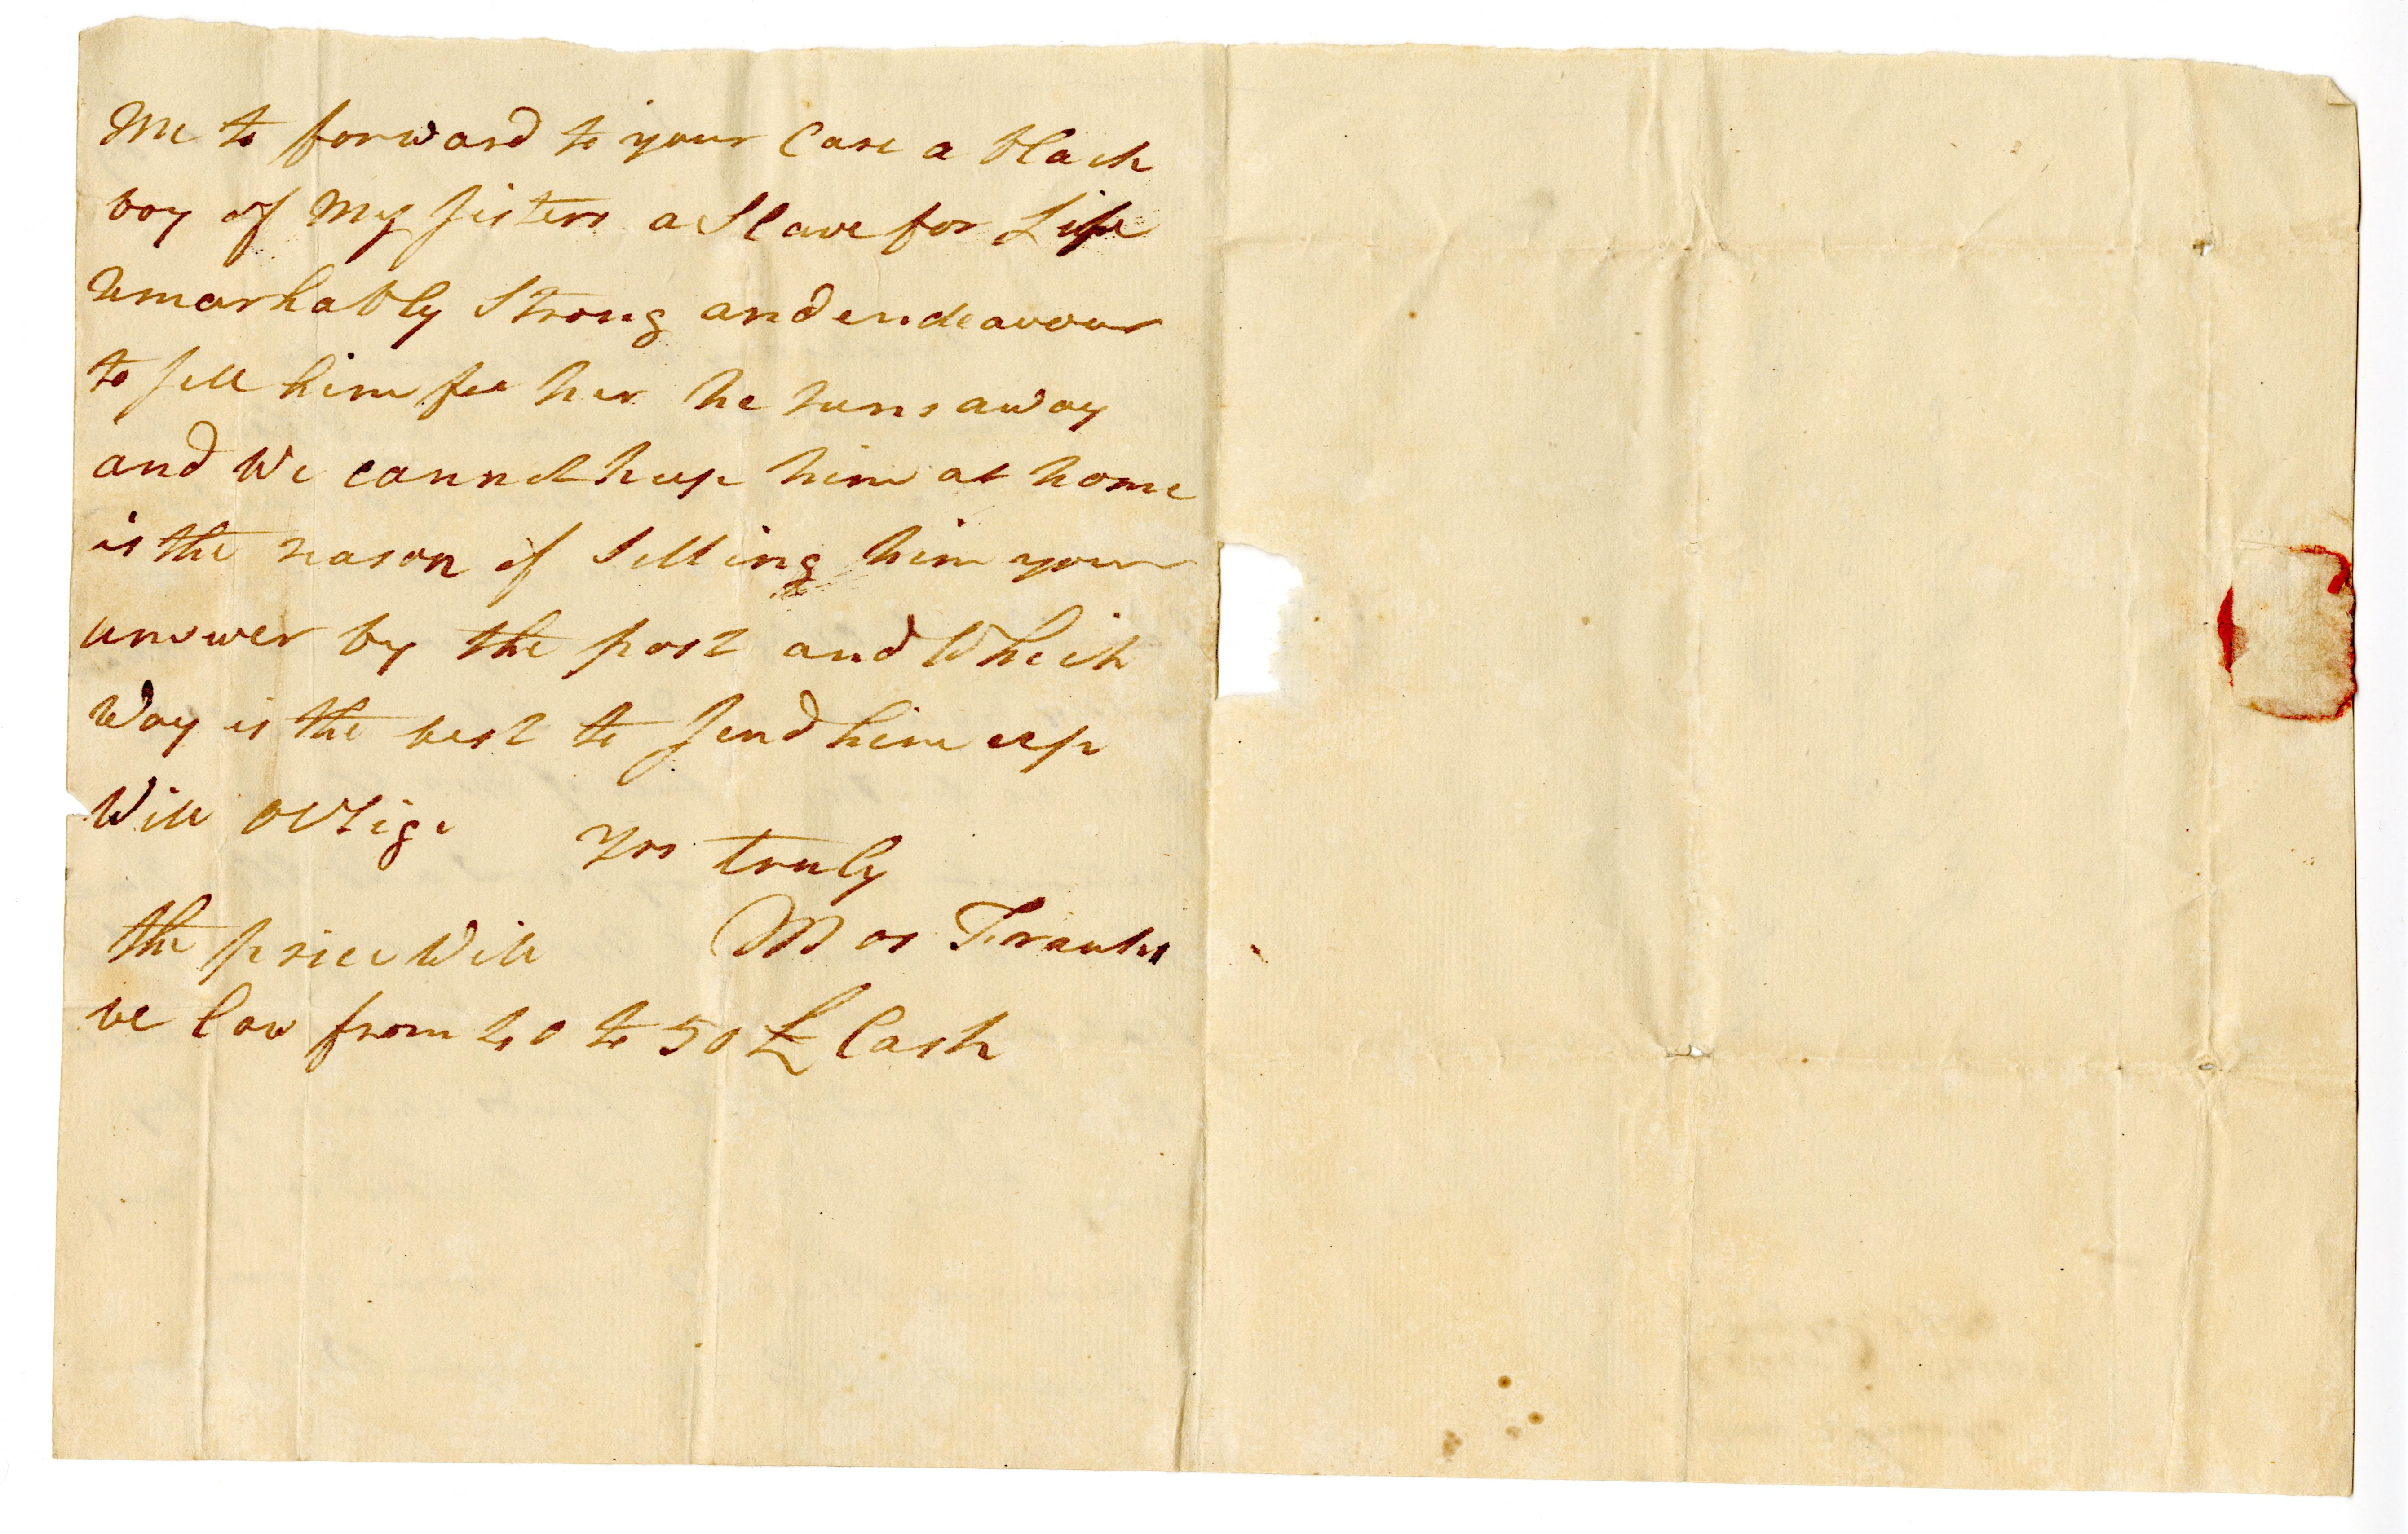Me to forward to your Case a black
boy of my sisters a Slave for life
remarkably Strong and endeavor
to sell him for her he runs away
and We cannot keep him at home
is the reason of selling him your
answer by the post and which
Way is the best to Send him up
Will Oblige
The price will
be low from 40 to 50 £ Cash
Y^rs Truly
Mos Franks